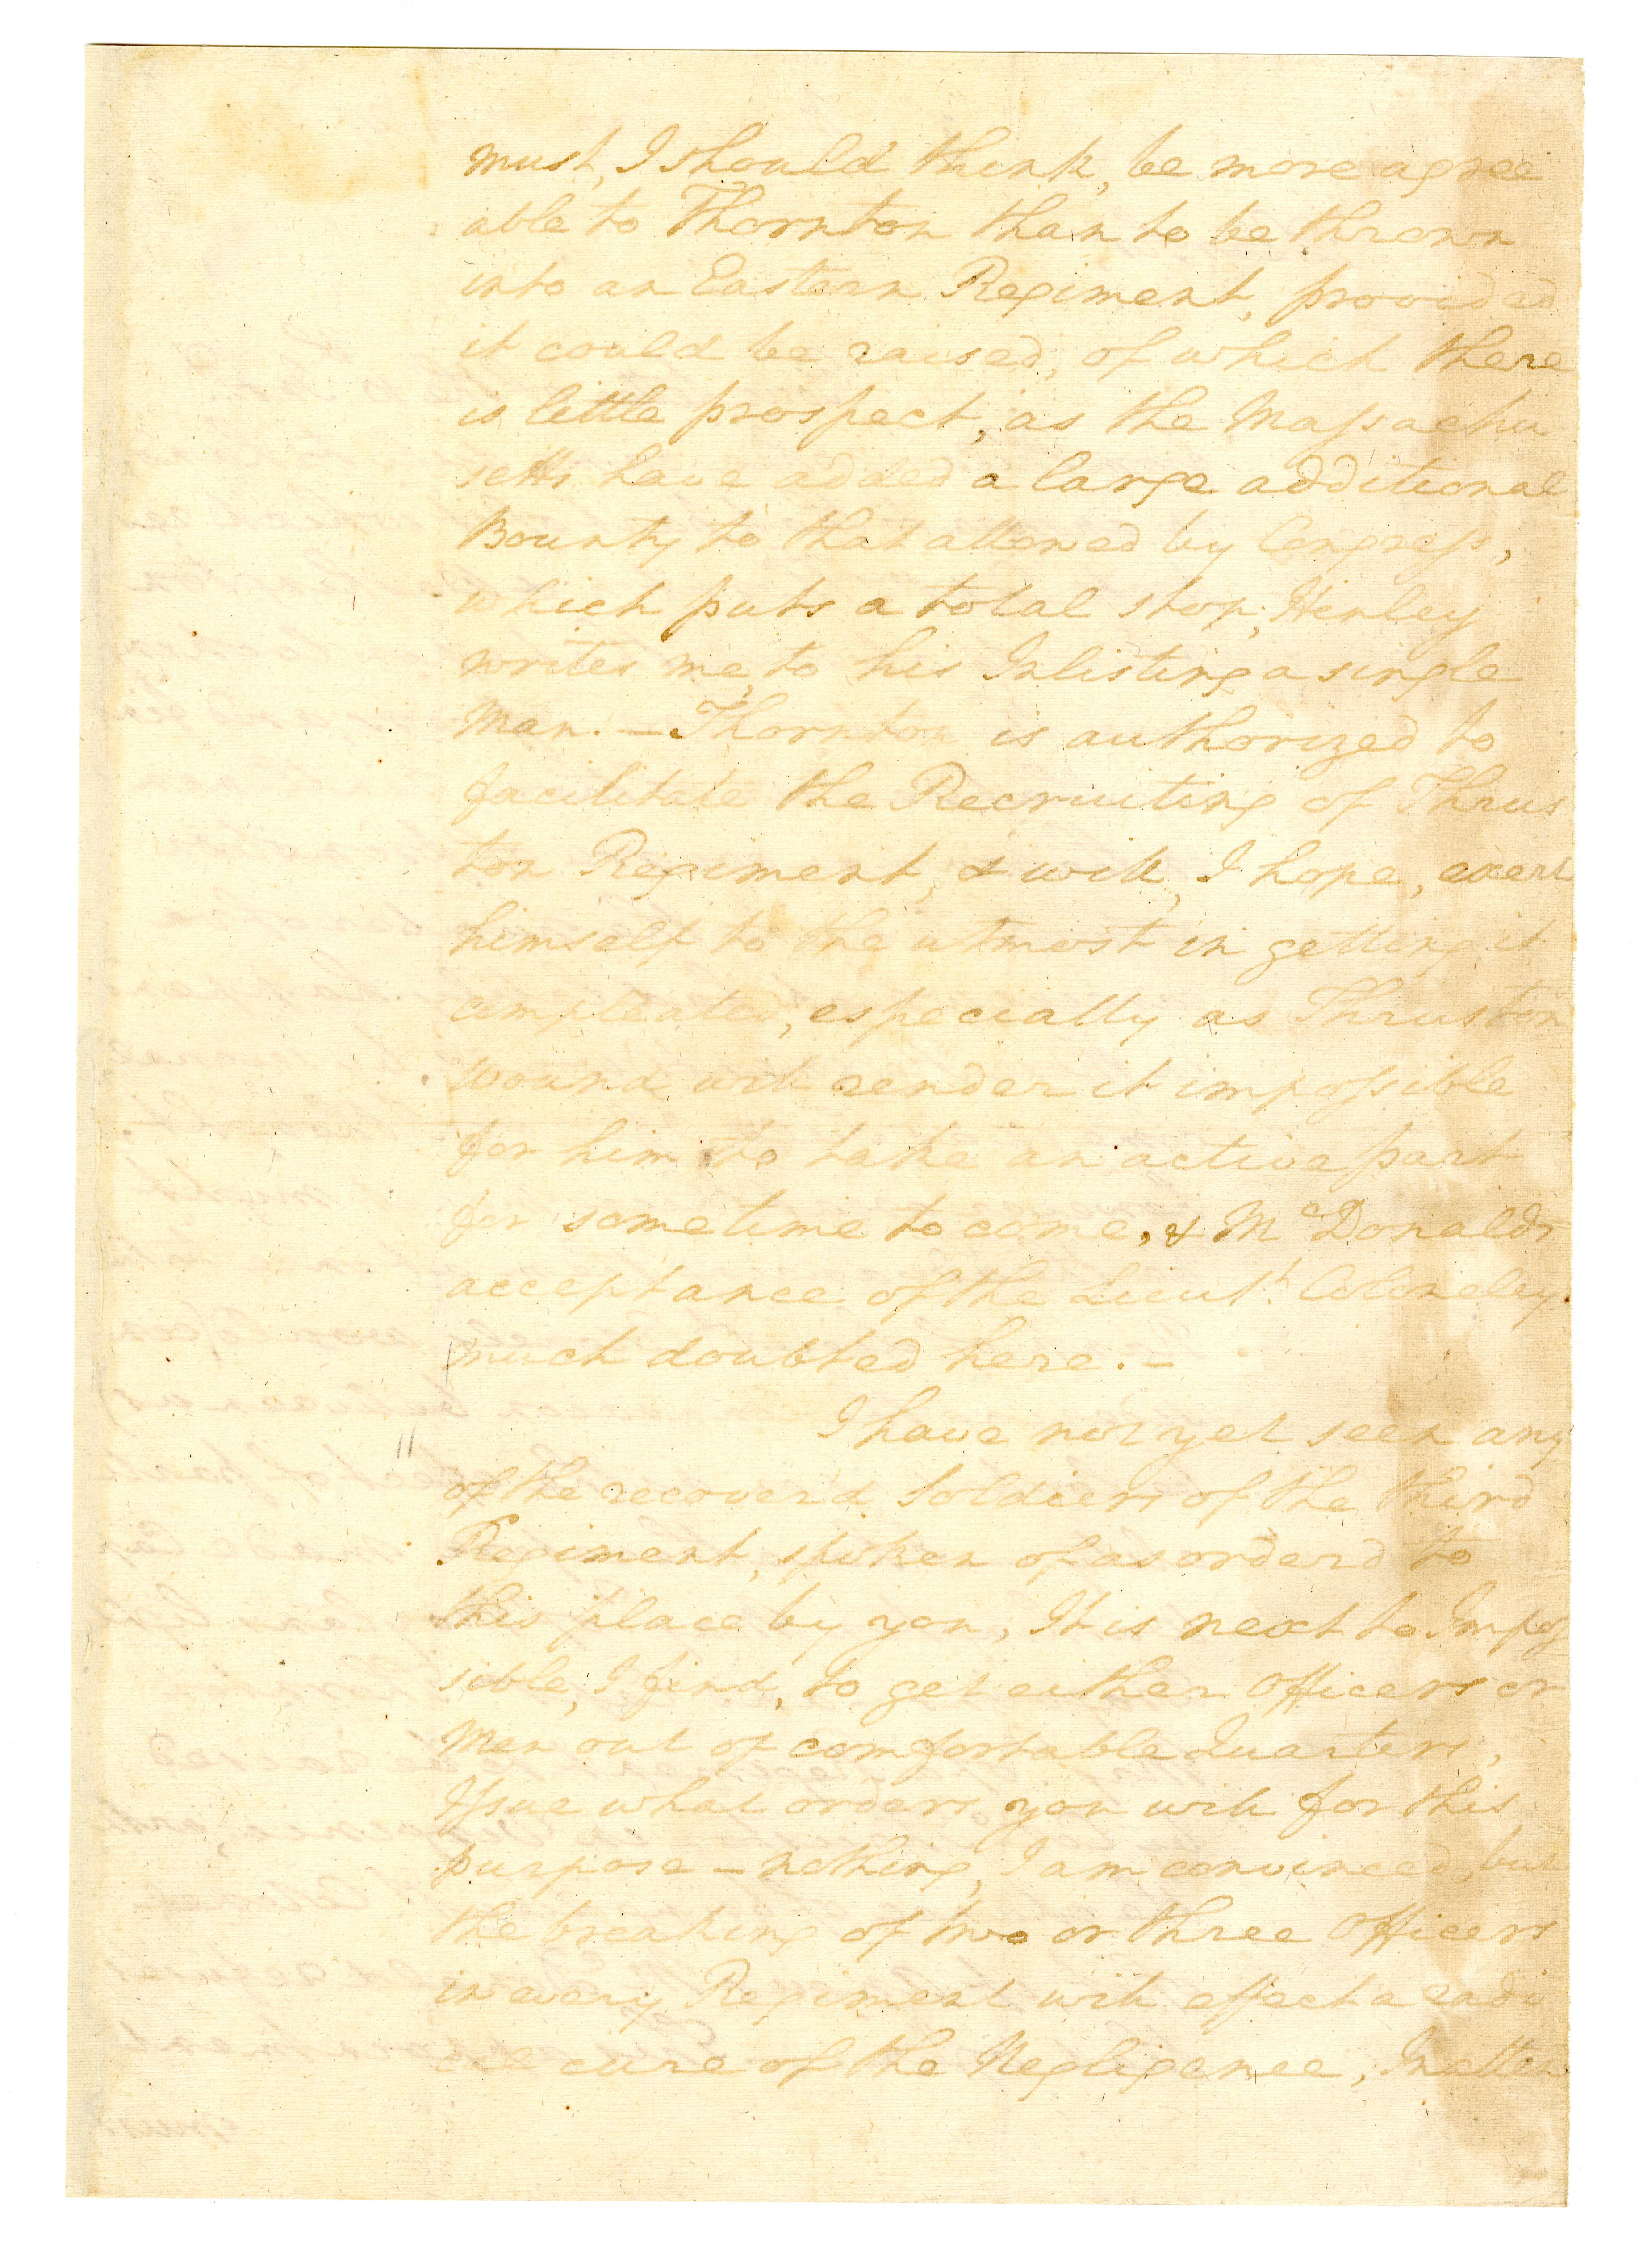must, I should think, be more agree
able to Thornton than to be thrown
into an Eastern Regiment, provided
it could be raised, of which there
is little prospect, as the Massachu
setts have added a large additional
Bounty to that allowed by Congress,
which puts a total stop; Henley
writes me to his Inlisting a single
man.- Thornton is authorized to
facilitate the Recruiting of Thrus
ton Regiment & will I hope, exert
himself to the utmost in getting it
compleated, especially as Thruston
wound will render it impossible
for him to take an active part
for sometime to come, and M^cDonalds
acceptance of the Lieut^t. Coloneley
much doubted here.-
I have not yet seen any
of the recovered Soldiers of the third
Regiment, spoken of as ordered to
this place by you, It is next to Impos
sible, I find, to get either Officers or
Men out of comfortable Quarters,
Issue what orders you wish for this
purpose- nothing, I am convinced, but
the breaking of two or three Officers
in every Regiment will effect a radi
cal cure of the Negligence, Inatten